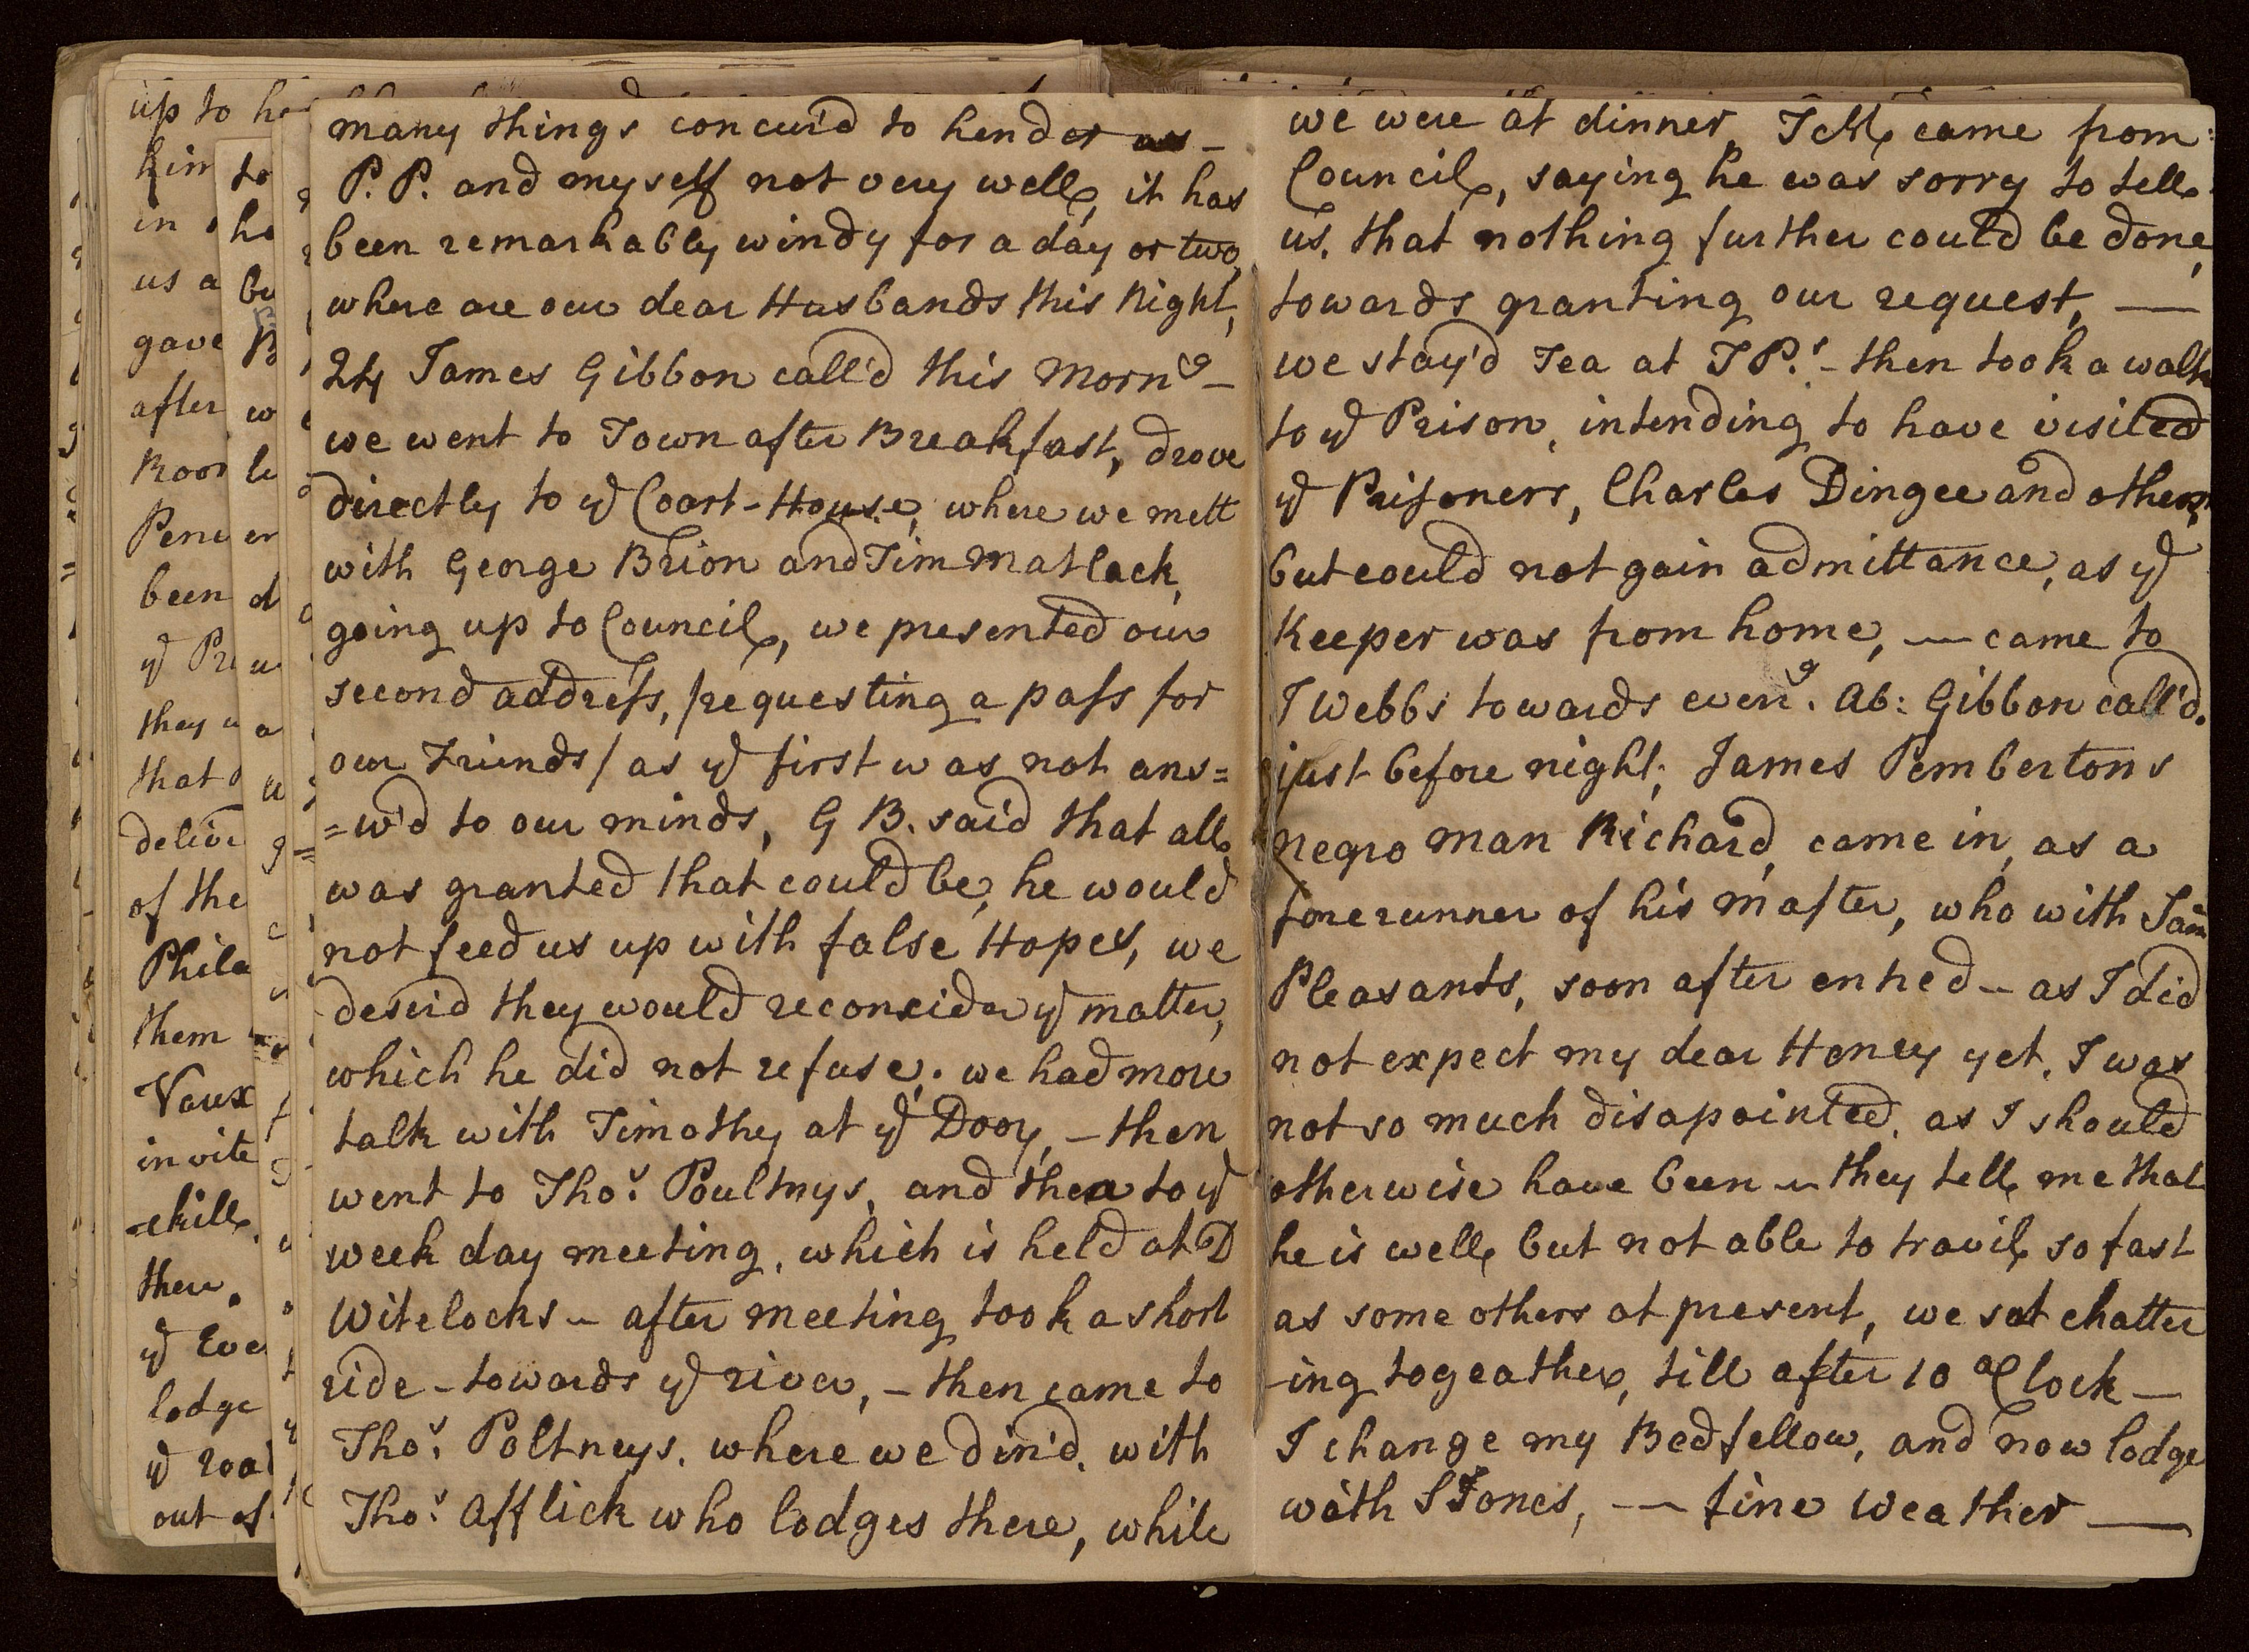many things concur'd to hinder us-
P. P. and myself not very well, it has
been remarkably windy for a day or two,
where are our dear Husbands this Night,
24 James Gibbon call'd this morn^g-
we went to Town after Breakfast, drove
directly to y^e Coart-House, where we mett
with George Brion and Tim Matlack,
going up to Council, we presented our
second address, /requesting a pass for
our Friends/ as y^e first was not ans-
-w'd to our minds, G B. said that all
was granted that could be, he would
not feed us up with false Hopes, we
-desir'd they would reconcider y^e matter,
which he did not refuse; we had more
talk with Timothy at y^e Door-then
went to Tho^s. Poultnys, and then to y^e
week day meeting, which is held at D
Witelocks- after meeting, took a short
ride- towards y^e river,- then came to
Tho^s. Poltneys, where we dind, with
Tho^s. Afflick who lodges there, while
we were at dinner, TM came from
Council, saying he was sorry to tell
us, that nothing further could be done,
towards granting our request,-
we stay'd Tea at TP^s.- then took a walk
to y^e Prison, intending to have visited
y^e Prisoners, Charles Dingee and others
but could not gain admittance, as y^e
keeper was from home,- came to
T Webbs towards even^g. Ab: Gibbon call'd.
just before night; James Pembertons
Negro man Richard, came in, as a
forerunner of his master, who with Sam^l
Pleasants, soon after entied- as I did
not expect my dear Henry yet. I was
not so much disapointed, as I should
otherwise have been- they tell, me that
he is well, but not able to travil so fast
as some others at present, we sat chatter
-ing togeather, till after 10 ^o Clock-
I change my Bedfellow, and now lodge
with S Jones,-- fine Weather-